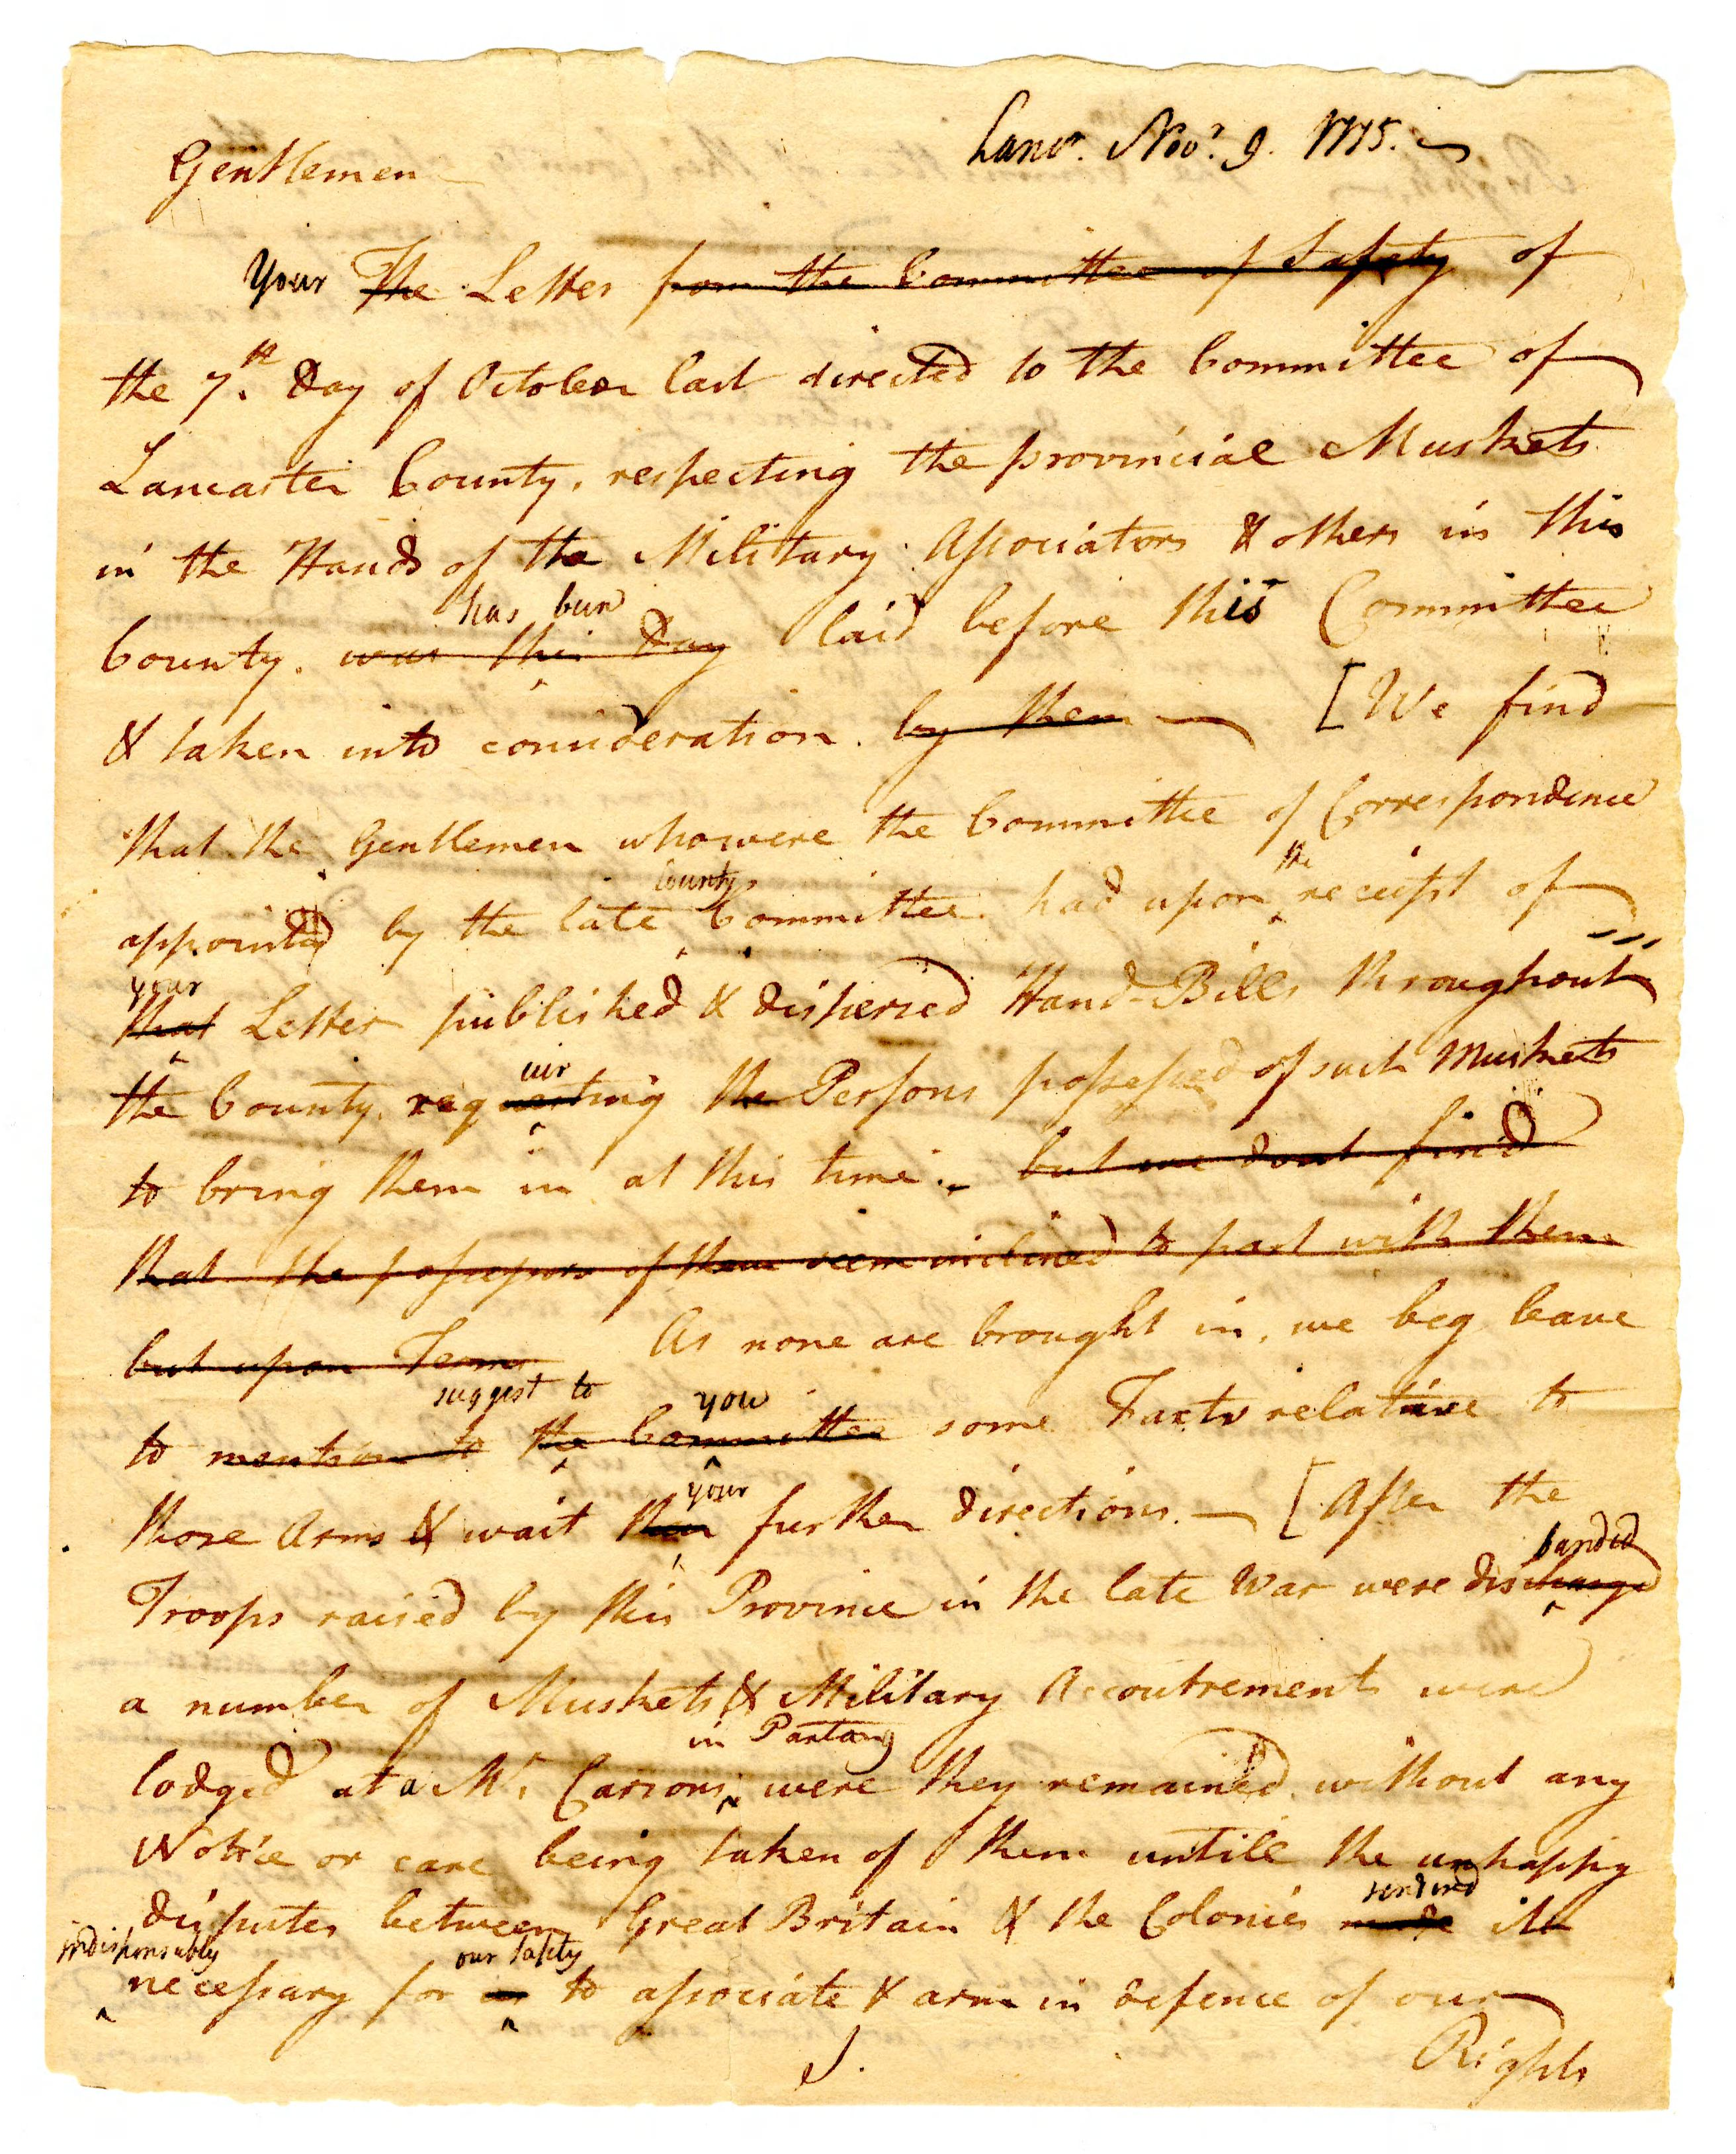Lanc^r. Nov^r. 9. 1775.
Gentlemen
Your [The] Letter [from the Committee of Safety] of
the 7^th. day of October last directed to the Committee of
Lancaster County, respecting the provincial Muskets
in the Hands of the Military Associators & others in this
County [was this Day] ^ laid before this Committee
has been
& taken into consideration [by them]- (We find
that the Gentlemen who were the Committee of Correspondence
Country
the
appointed by the late ^ Committee had upon ^ receipt of
your
[that] ^ Letter published & dispersed Hand- Bills throughout
the County req[uest]ing the Persons possessed of such Muskets
uir
to bring them in at this time: [but we don't find]
[that the possessions of them seem inclined to part with them]
[but upon Terms] As none are brought in, we beg leave
suggest to
you
to [mention to] [the Committee] some Facts relative to
those Arms & wait [their] further directions. (After the
your
banded
Troops raised by this Province in the late War were dis[charged]
a number of Muskets & Military Accoutrement were
lodged at a M^r. Canons ^; were they remained without any
in Pantang
Notice or care being taken of them untill the unhappy
disputes between Great Britain & the Colonies [made] it
indispensably
render
^ necessary for [our] to associate & arm in defence of our
our Safety
Rights